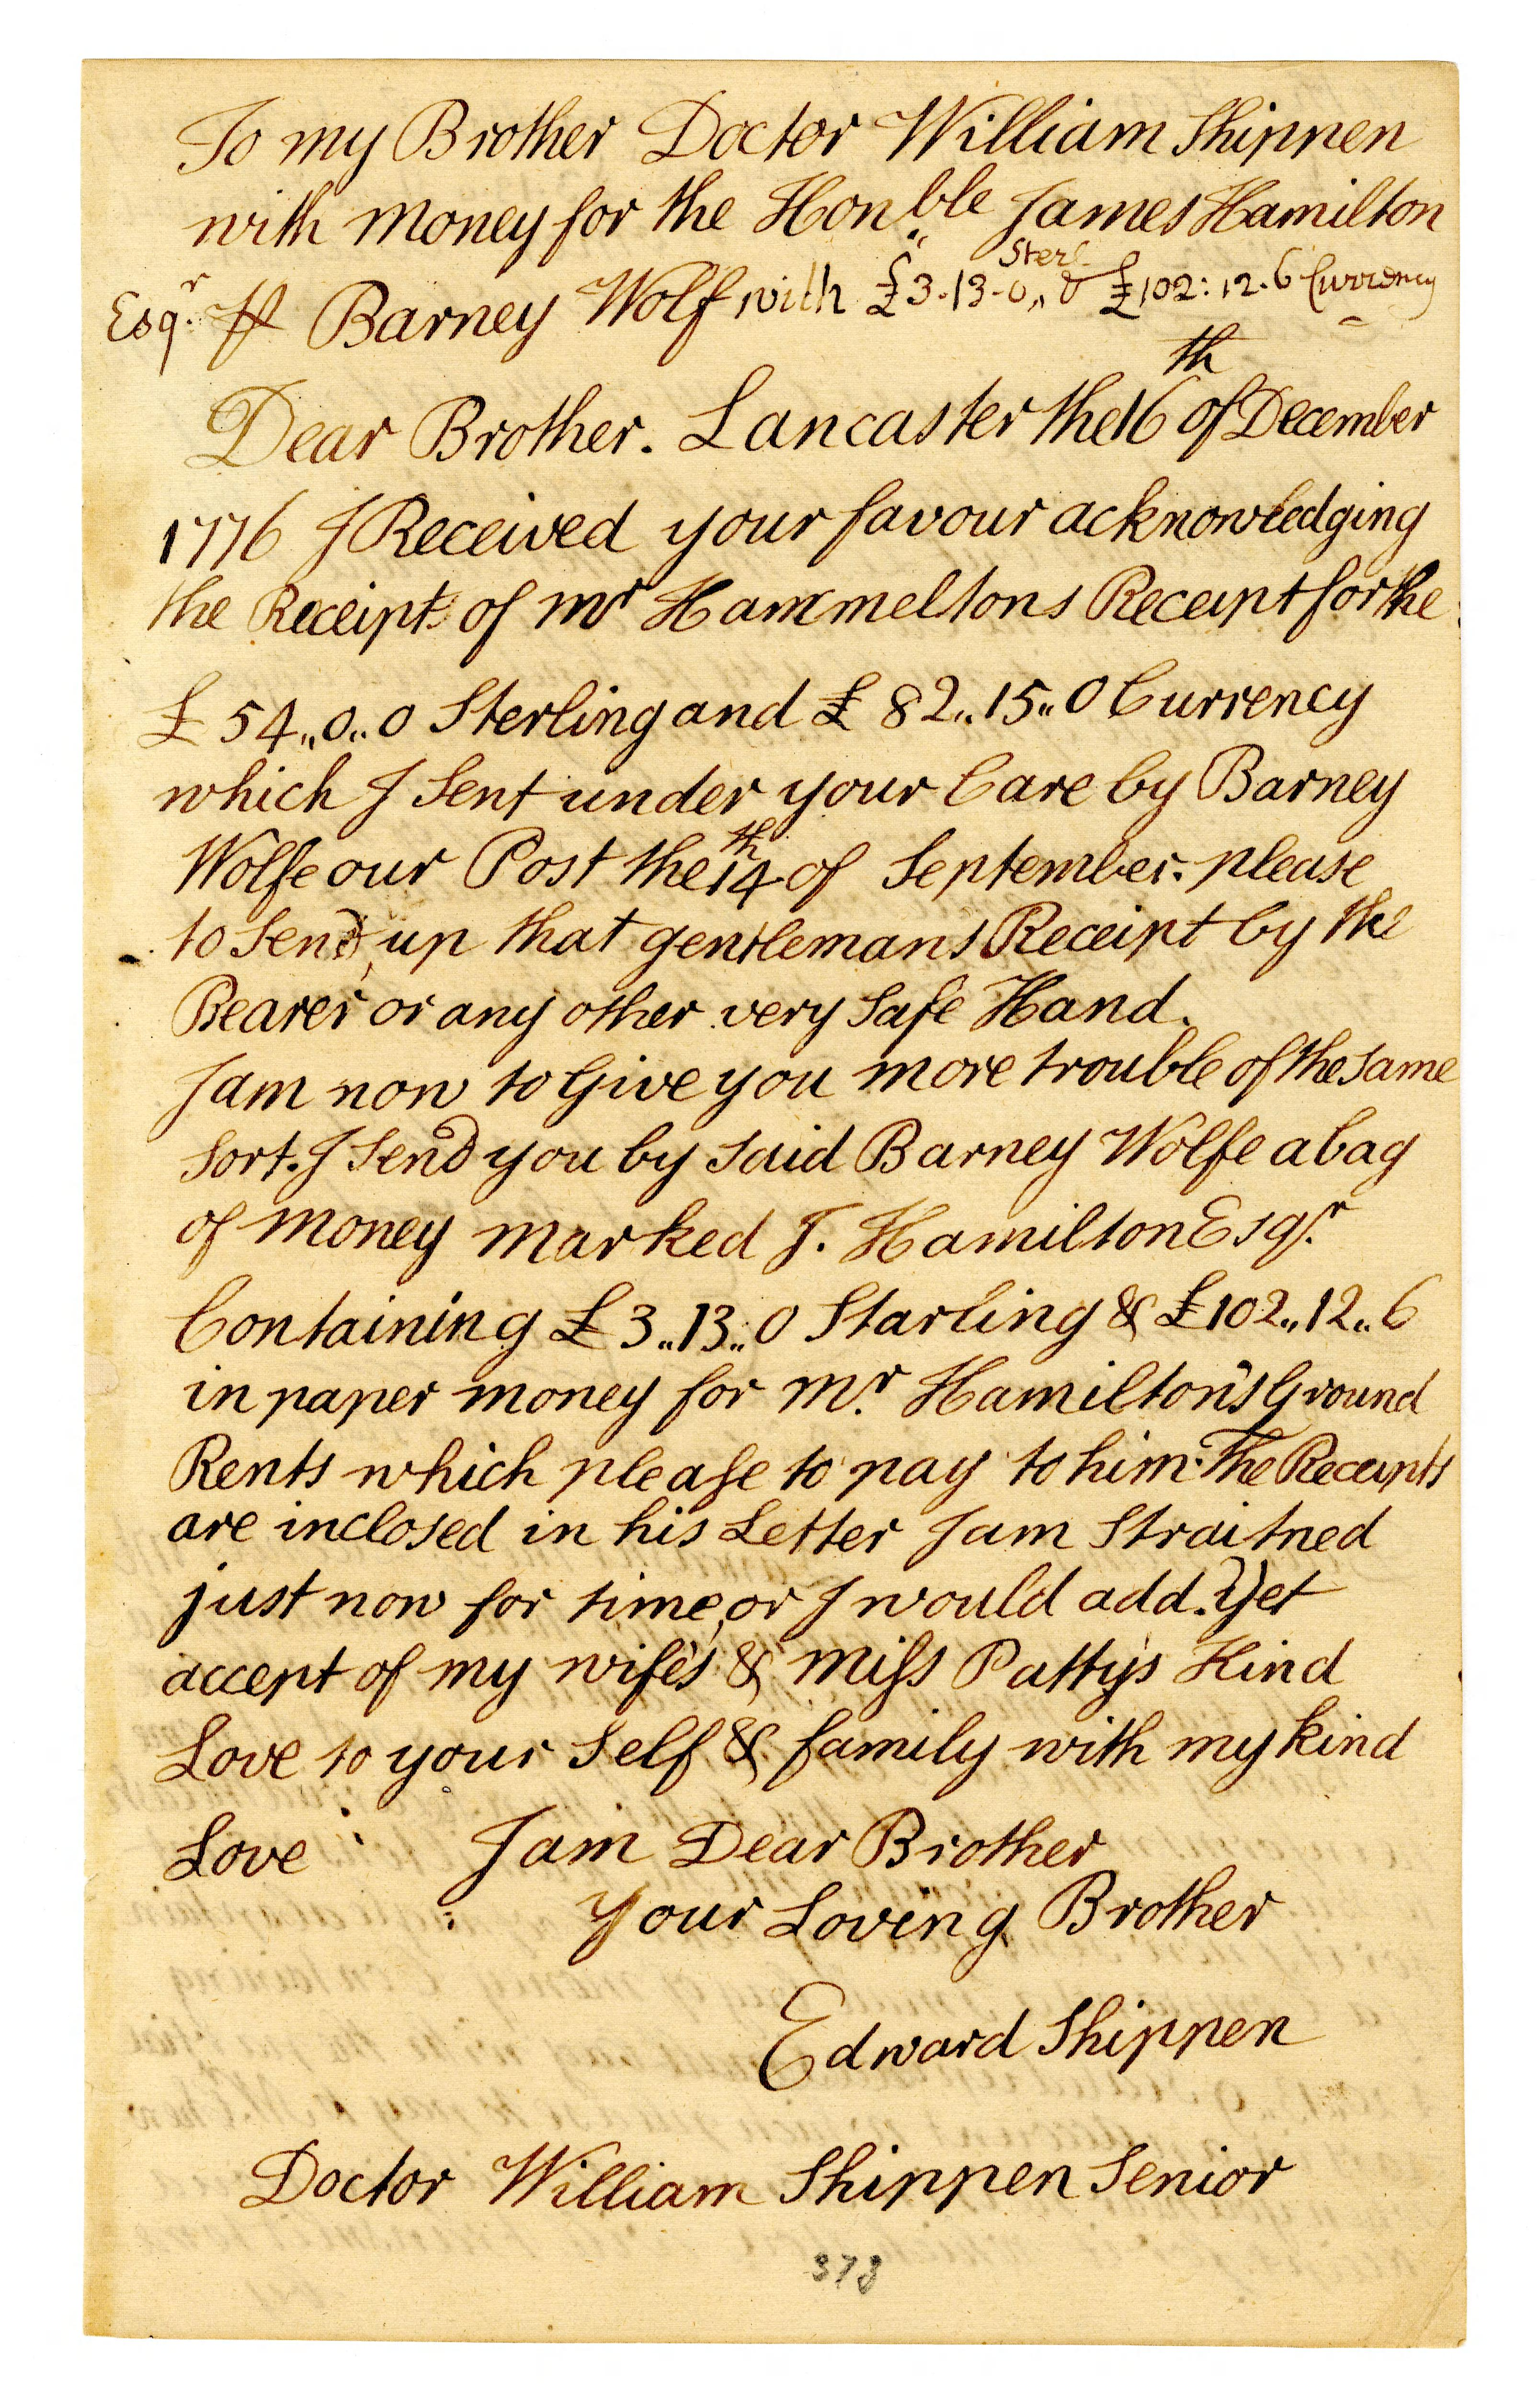To my Brother Doctor William Shippen
with M\oney for the Hon^ble James Hamilton
Sterl
Esq.^r per Barney Wolf with £3.13.0 ^ & £102..12.6 Currency
Dear Brother. Lancaster the 16^th of December
1776 I Received your favour acknowledging
the Receipt of M^r Hammeltons Receipt for the
£54..0..0 Sterling and £82..15..0 Currency
which I Sent under Your Care by Barney
Wolfe our Post the 14^th of September please
to Send, up that gentlemans Receipt by the
Bearer or any other very Safe Hand.
I am now to Give you more trouble of the Same
Sort. I send you by said Barney Wolfe a bag
of Money Marked J. Hamilton Esq^r.
Containing £3..13..0 Starling & £102..12..6
in paper Money for M^r. Hamilton's Ground
Rents which please to pay to him the Receipts
are inclosed in his Letter I am Straitned
just now for time or I would add. Yet
accept of my wife's & Miss Patty's Kind
Love to Your Self & family with my kind
Love :
I am Dear Brother
Your Loving Brother
Edward Shippen
Doctor William Shippen Senior